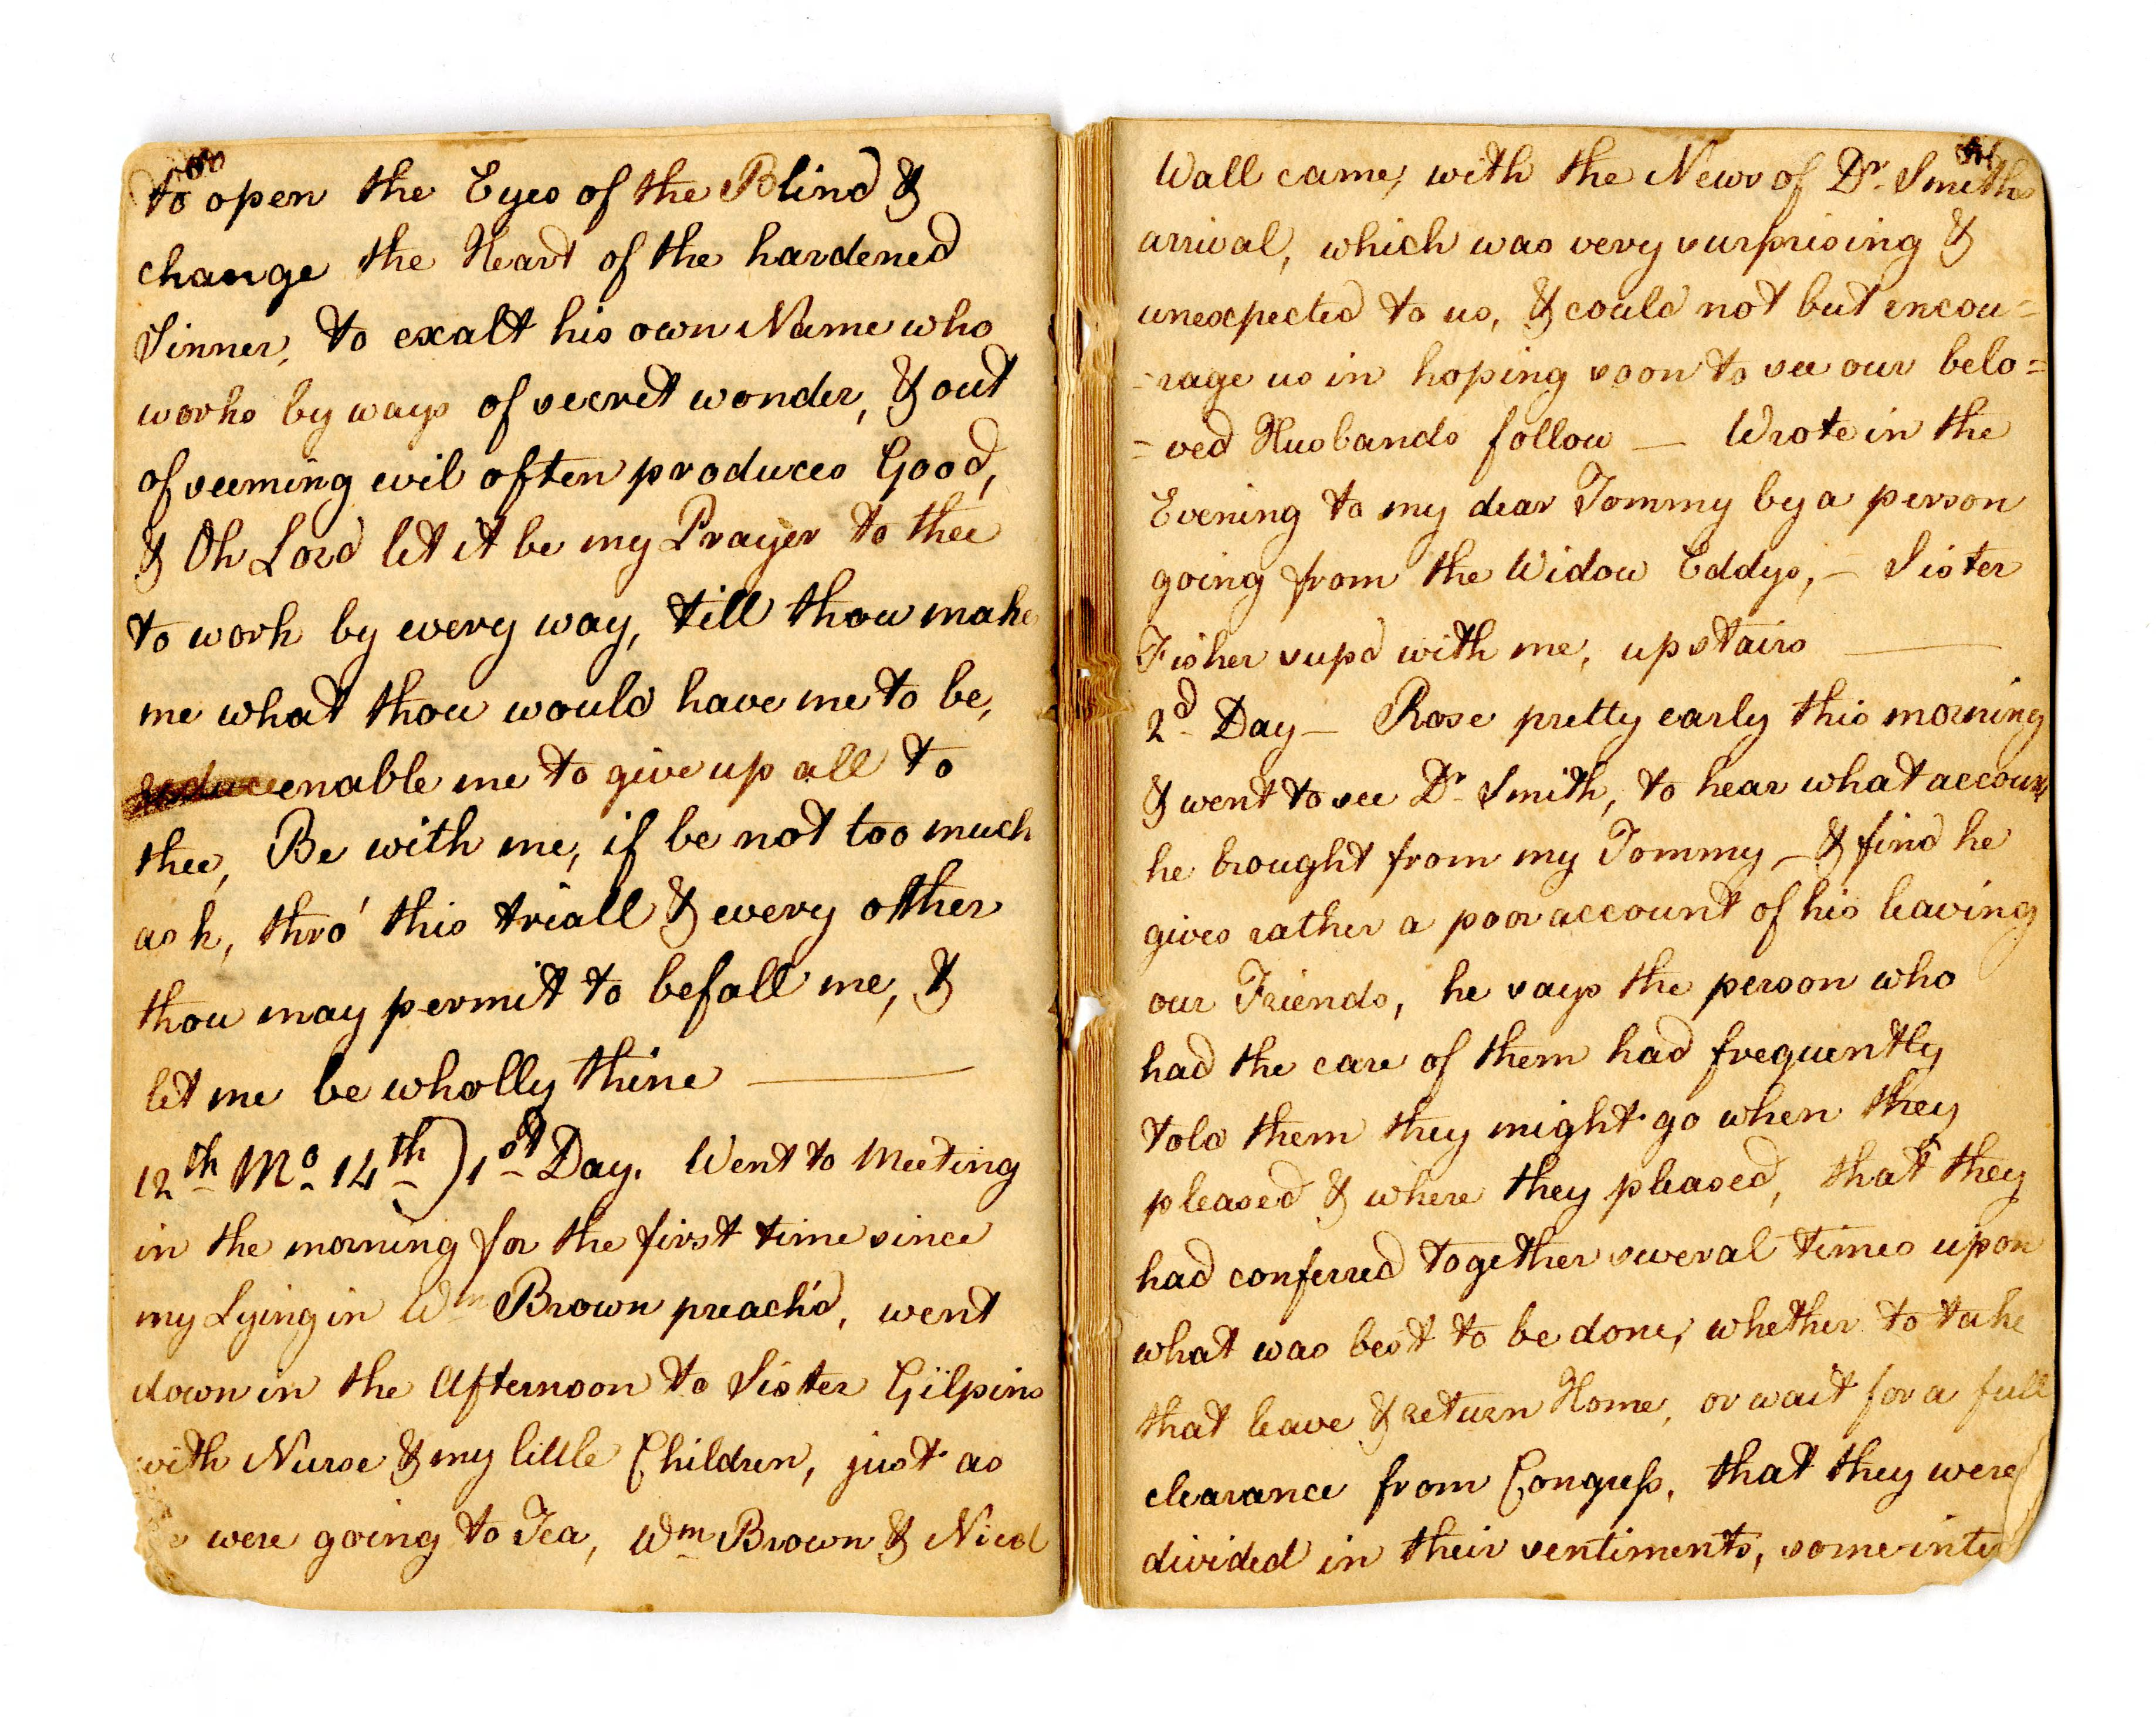50
to open the Eyes of the Blind &
change the Heart of the hardened
Sinner, to exalt his own Name who
works by ways of secret wonder, & out
of seeming evil often produces Good,
& Oh Lord let it be my Prayer to thee
to work by every way, till thou make
me what thou would have me to be,
[reduce] enable me to give up all to
thee, Be with me, if be not too much
ask, thro' this triall & every other
thou may permit to befall me, &
let me be wholly thine-
12^th M^o 14^th) 1^st Day, Went to Meeting
in the morning for the first time since
my Lying in W^m Brown preach'd, went
down in the Afternoon to Sister Gilpins
with Nurse & my little Children, just as
e were going to Tea, W^m Brown & Nicol
Wall came, with the News of D^r. Smiths
arrival, which was very surprising &
unespected to us, & could not but encou-
-rage us in hoping soon to see our belo-
-ved Husbands follow- Wrote in the
Evening to my dear Tommy by a person
going from the Widow Eddys,- Sister
Fisher supd with me, upstairs-
2^d Day- Rose pretty early this morning
& went to see D^r Smith, to hear what account
he brought from my Tommy- & find he
gives rather a poor account of his leaving
our Friends, he says the person who
had the care of them had frequently
told them they might go when they
pleased & where they pleased, that they
had conferred together several times upon
what was best to be done, whether to take
that leave & return Home or wait for a full
clearance from Congress, that they were
divided in their sentiments, some inter